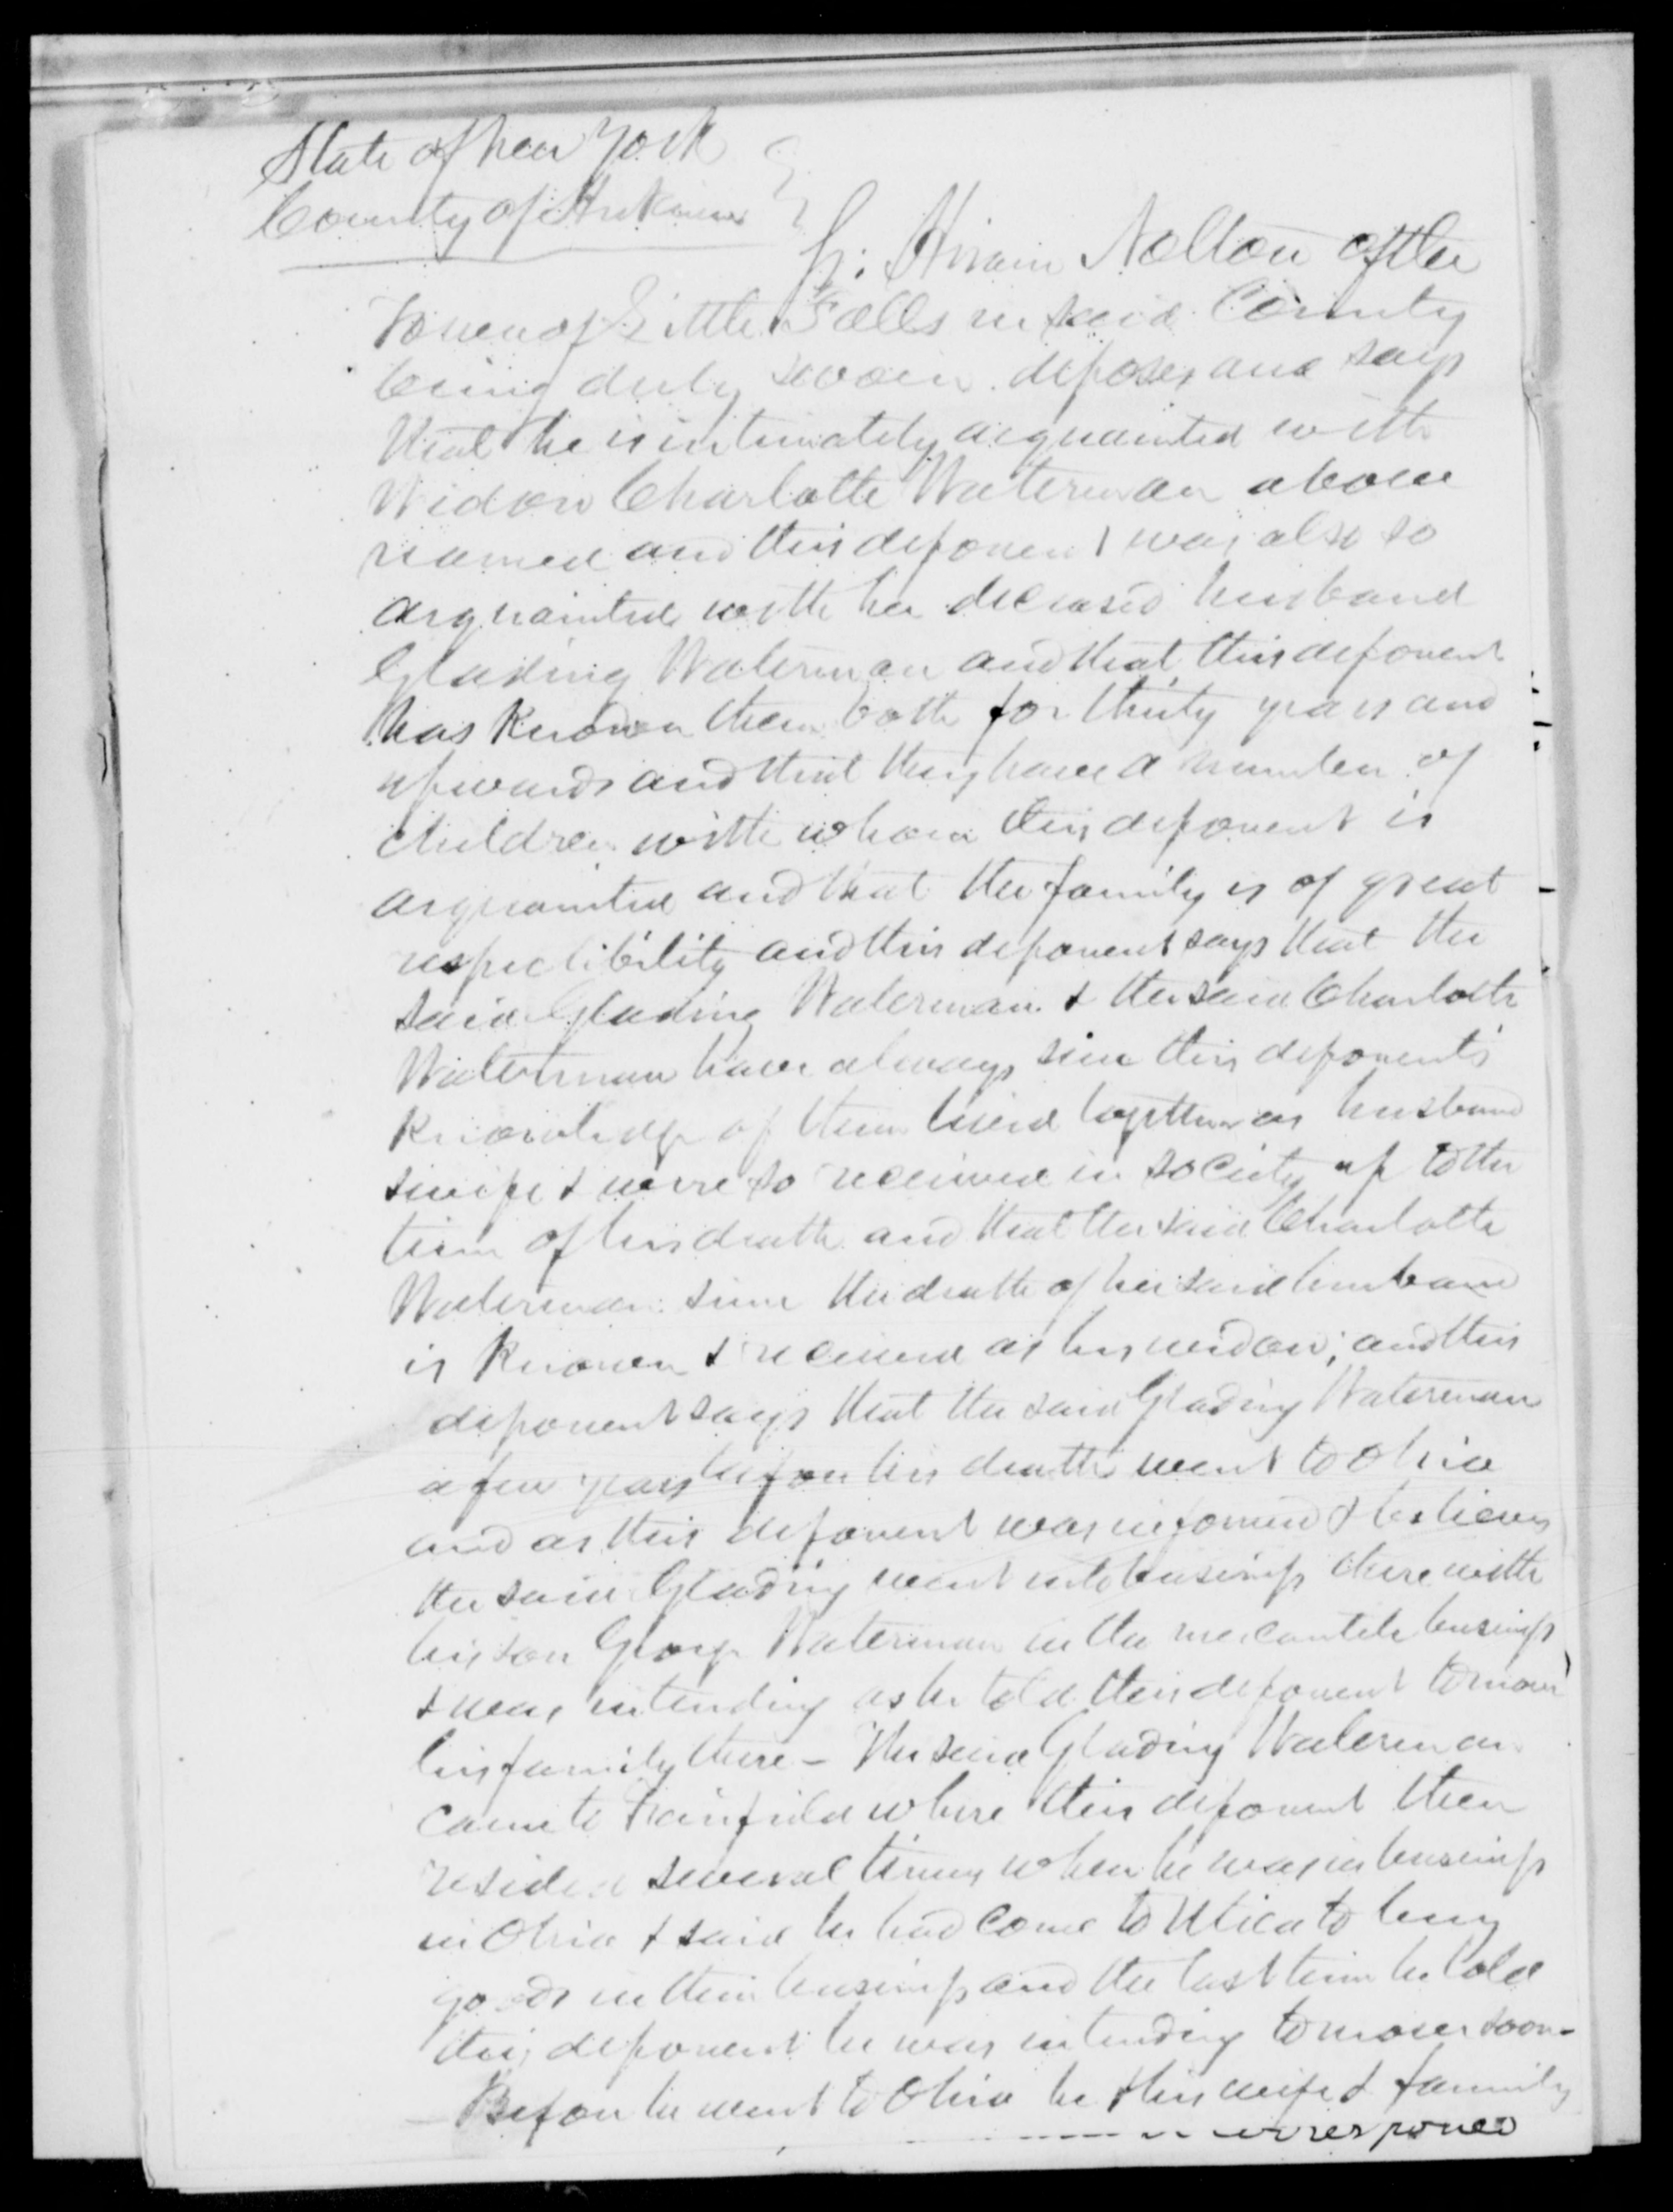State of New York}
County of Herkimer} ss

Hiram Nolton, of the Town of Little Falls in said County, being duly sworn, deposes and says that he is intimately acquainted with Widow Charlotte Waterman, above named and this deponent was also so acquainted with her deceased husband, Glading Waterman and that this deponent has known them both for thirty years and upward and that they have a number of children with whom this deponent is acquainted and that the family is of great respectability and this deponent says that the said Glading Waterman & the said Charlotte Waterman have always since this deponent's knowledge of them, lived together as husband & wife & were so received in society up to the time of his death and that the said Charlotte Waterman, since the death of her said husband, is known & received as his widow; and this deponent says that the said Glading Waterman,  a few years before his death went to Ohio and as this deponent was informed & believes, the said Glading, went into business there with his son, George Waterman, in the mercantile business & was intending, as he told this deponent, to move his family there. The said Glading Waterman came to Fairfield, where this deponent then resided several times, when he was in business in Ohio & said he had come to Utica to buy goods in their business and the last time he told this deponent he was intending to move, soon. Before he went to Ohio he & his wife & family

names: Hiram Nolton, Glading Waterman, Charlotte Waterman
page: 12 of 50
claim: widow's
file: W. 15814, Glading Waterman, Conn. Conn. Sea Service Continental